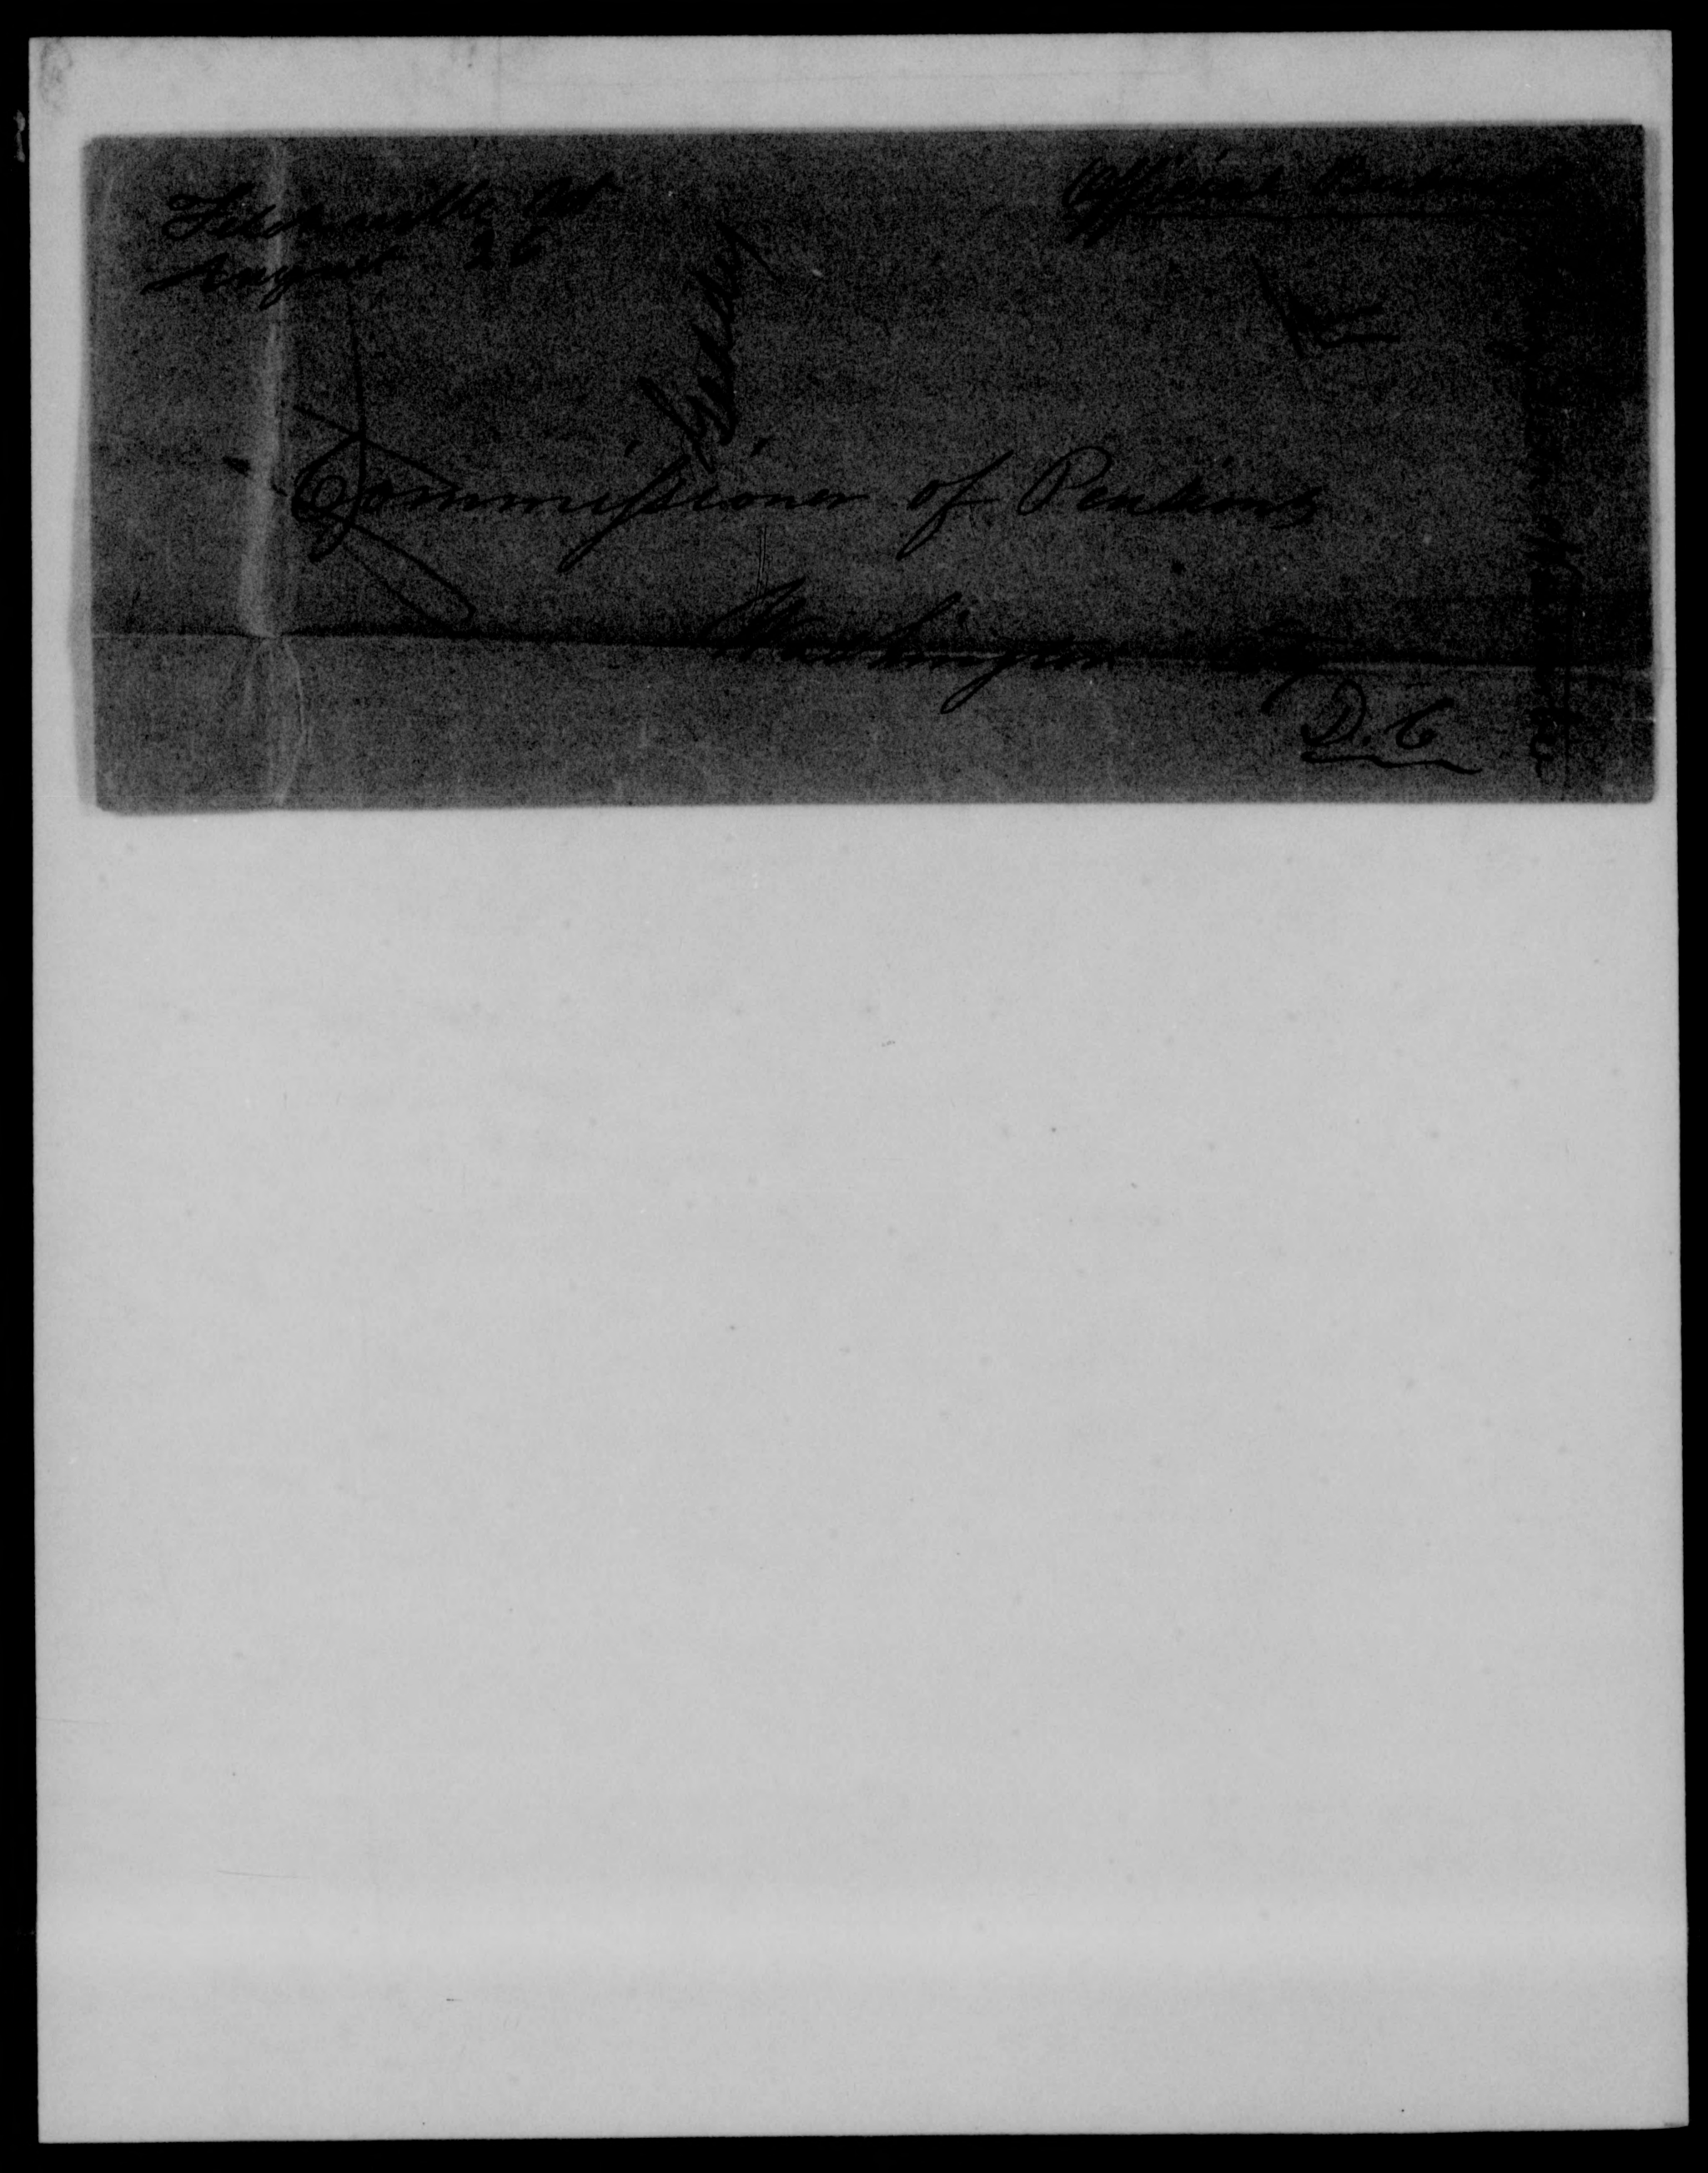Felchville Vt.    Official (illegible)
August 26

Commissioner of Pensions
Washington D. C.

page: 54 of 66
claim: widow's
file: W. 2468, Amos Wetherbee, Mass.